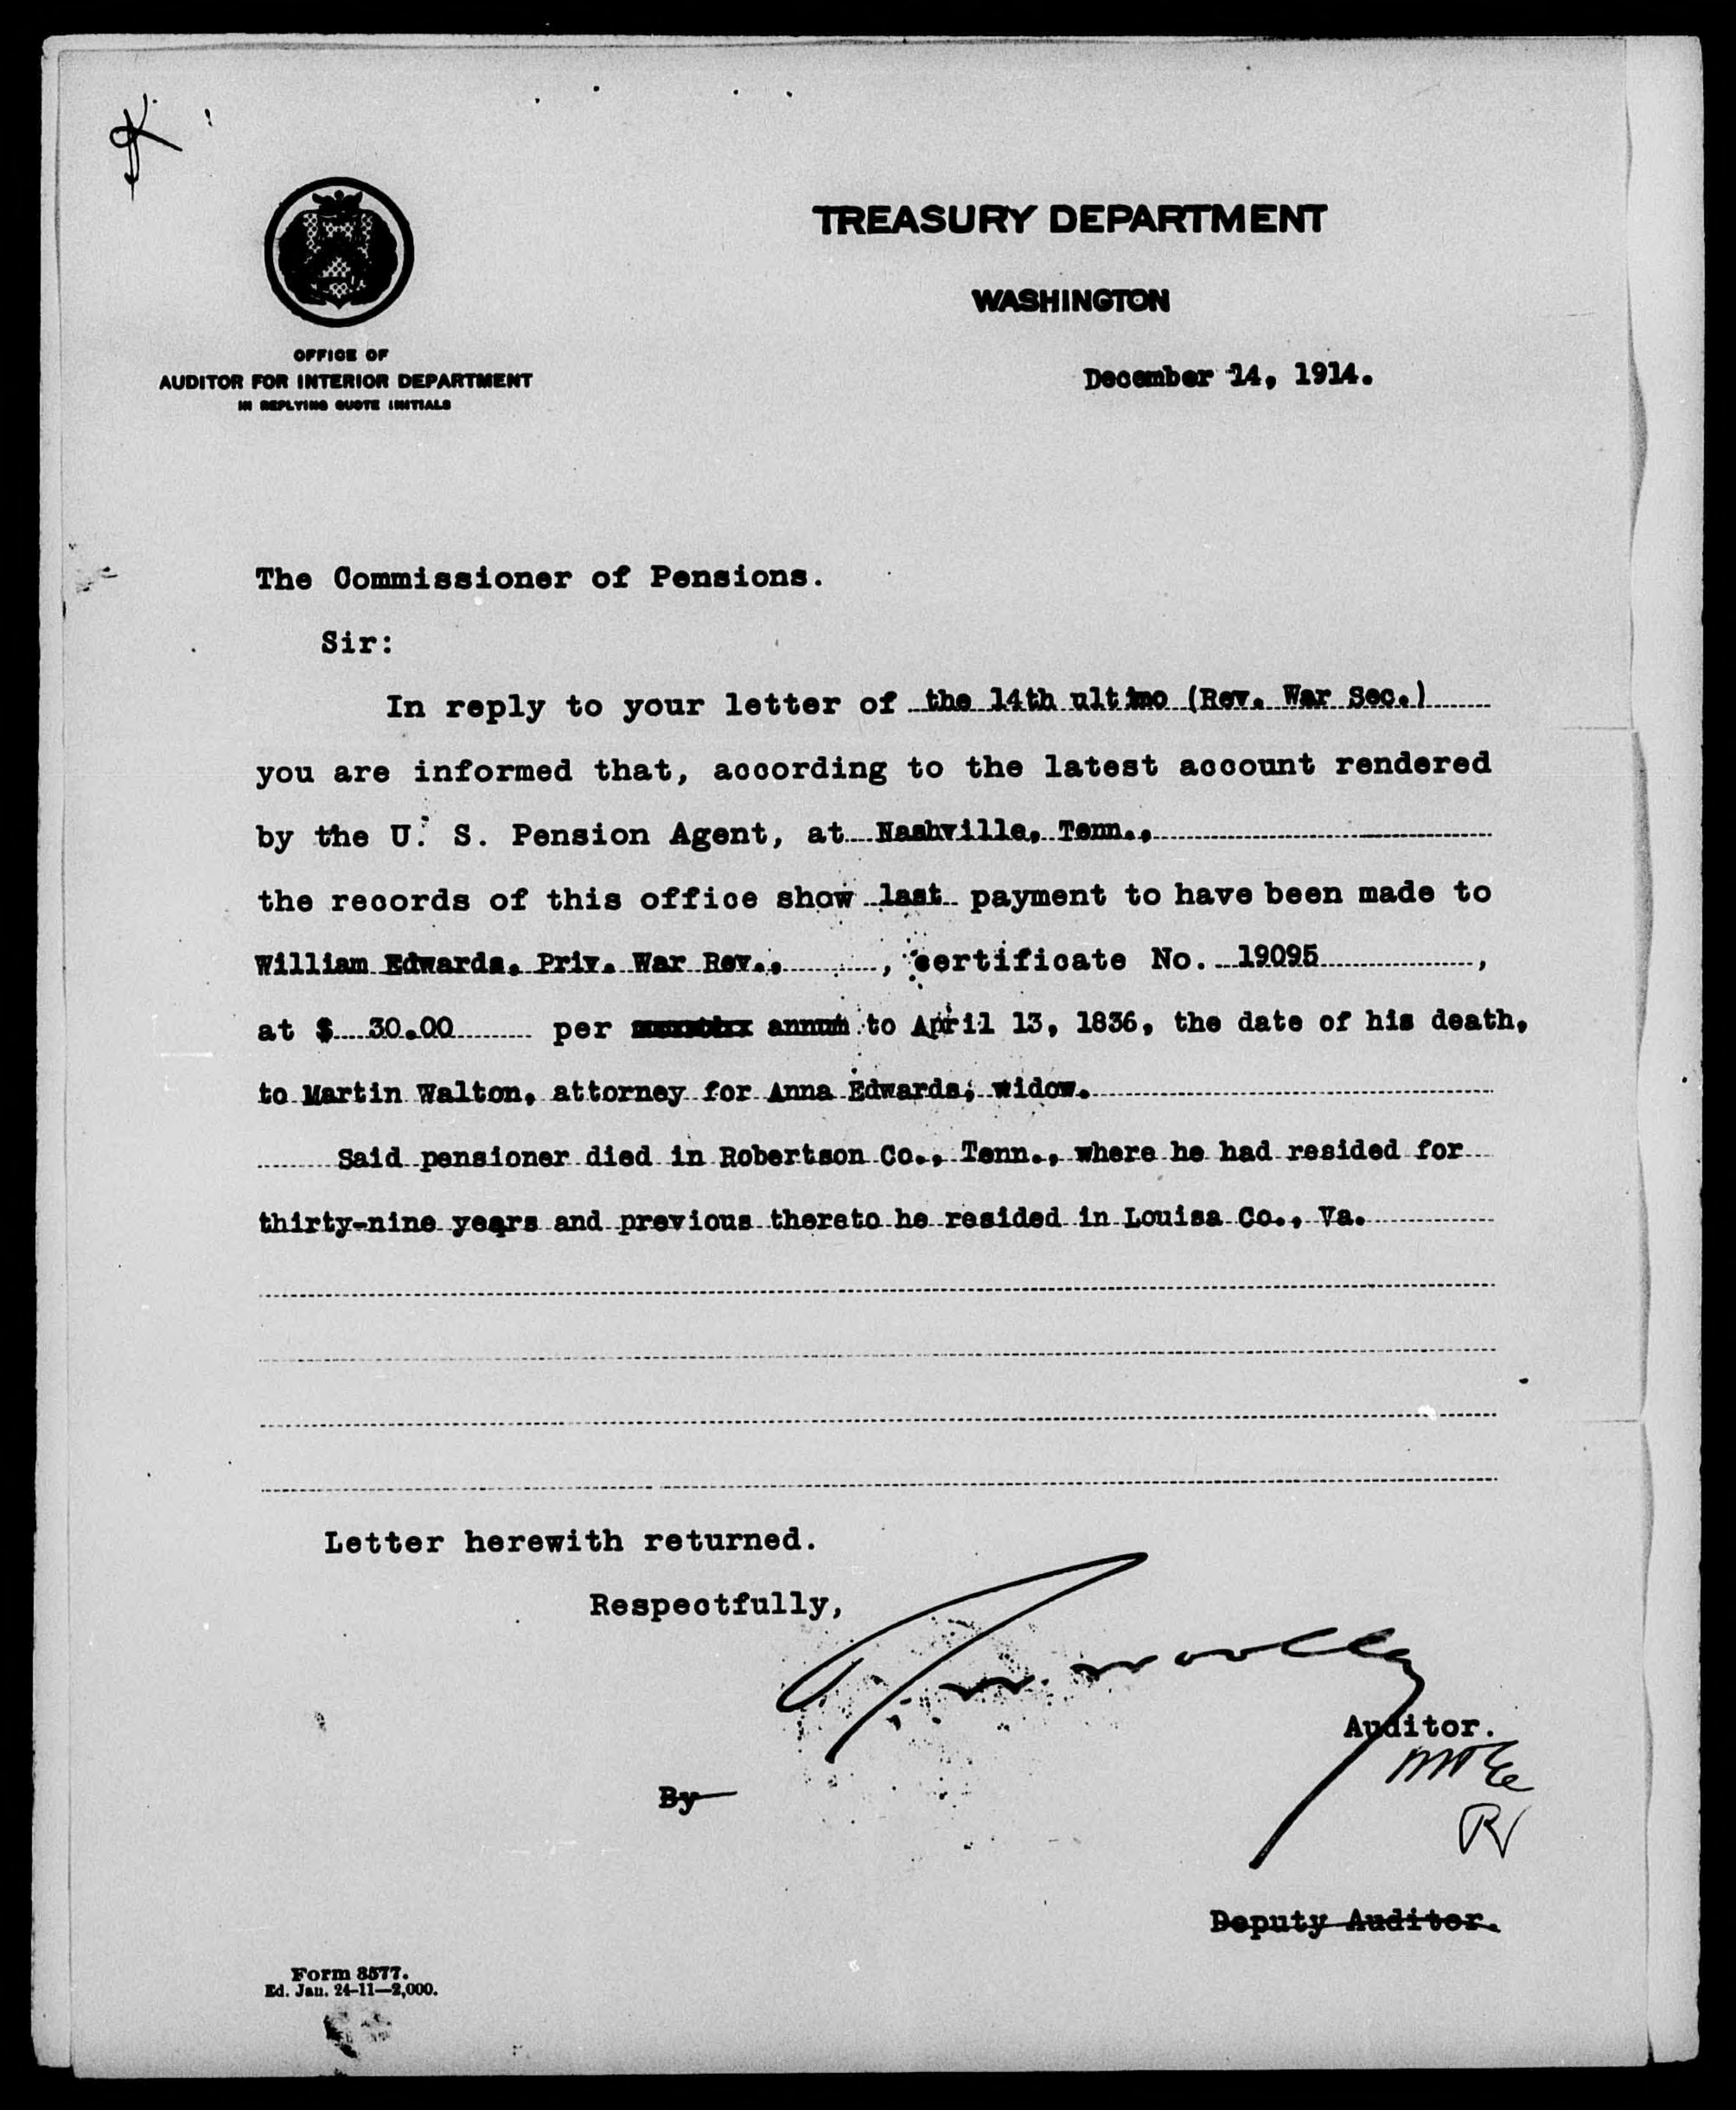[printed form with typewritten responses]
[circular emblem]
OFFICE OF AUDITOR FOR INTERIOR DEPARTMENT IN REPLYING QUOTE INITIALS
TREASURY DEPARTMENT WASHINGTON
December 14, 1914.
The Commissioner of Pensions.
Sir:
In reply to your letter of the 14th ultimo (Rev. War Sec.) you are informed that, according to the latest account rendered by the U. S. Pension Agent, at Nashville, Tenn., the records of this office show last payment to have been made to
William Edwards, Priv. War,  Rev. Certificate No. 19095, at $30.00. per annum to April 13, 1836, the date of his death, to Martin Walton, attorney for Anna Edwards, widow. Said pensioner died in Robertson Co., Tenn., where he had resided for
thirty-nine years and previous thereto he resided in Louisa Co. Va.
Letter herewith returned.

Respectfully,
R. W. Woolley
Auditor.
By [struck out] [illegible] R
Deputy Auditor.[struck out]
Form 3577.
Ed. Jan. 24-11--2,000.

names: R W Woolley, Martin Walton, Anna Edwards, William Edwards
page: 47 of 47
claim: survivor's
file: S. 3,322, William Edwards, Va.